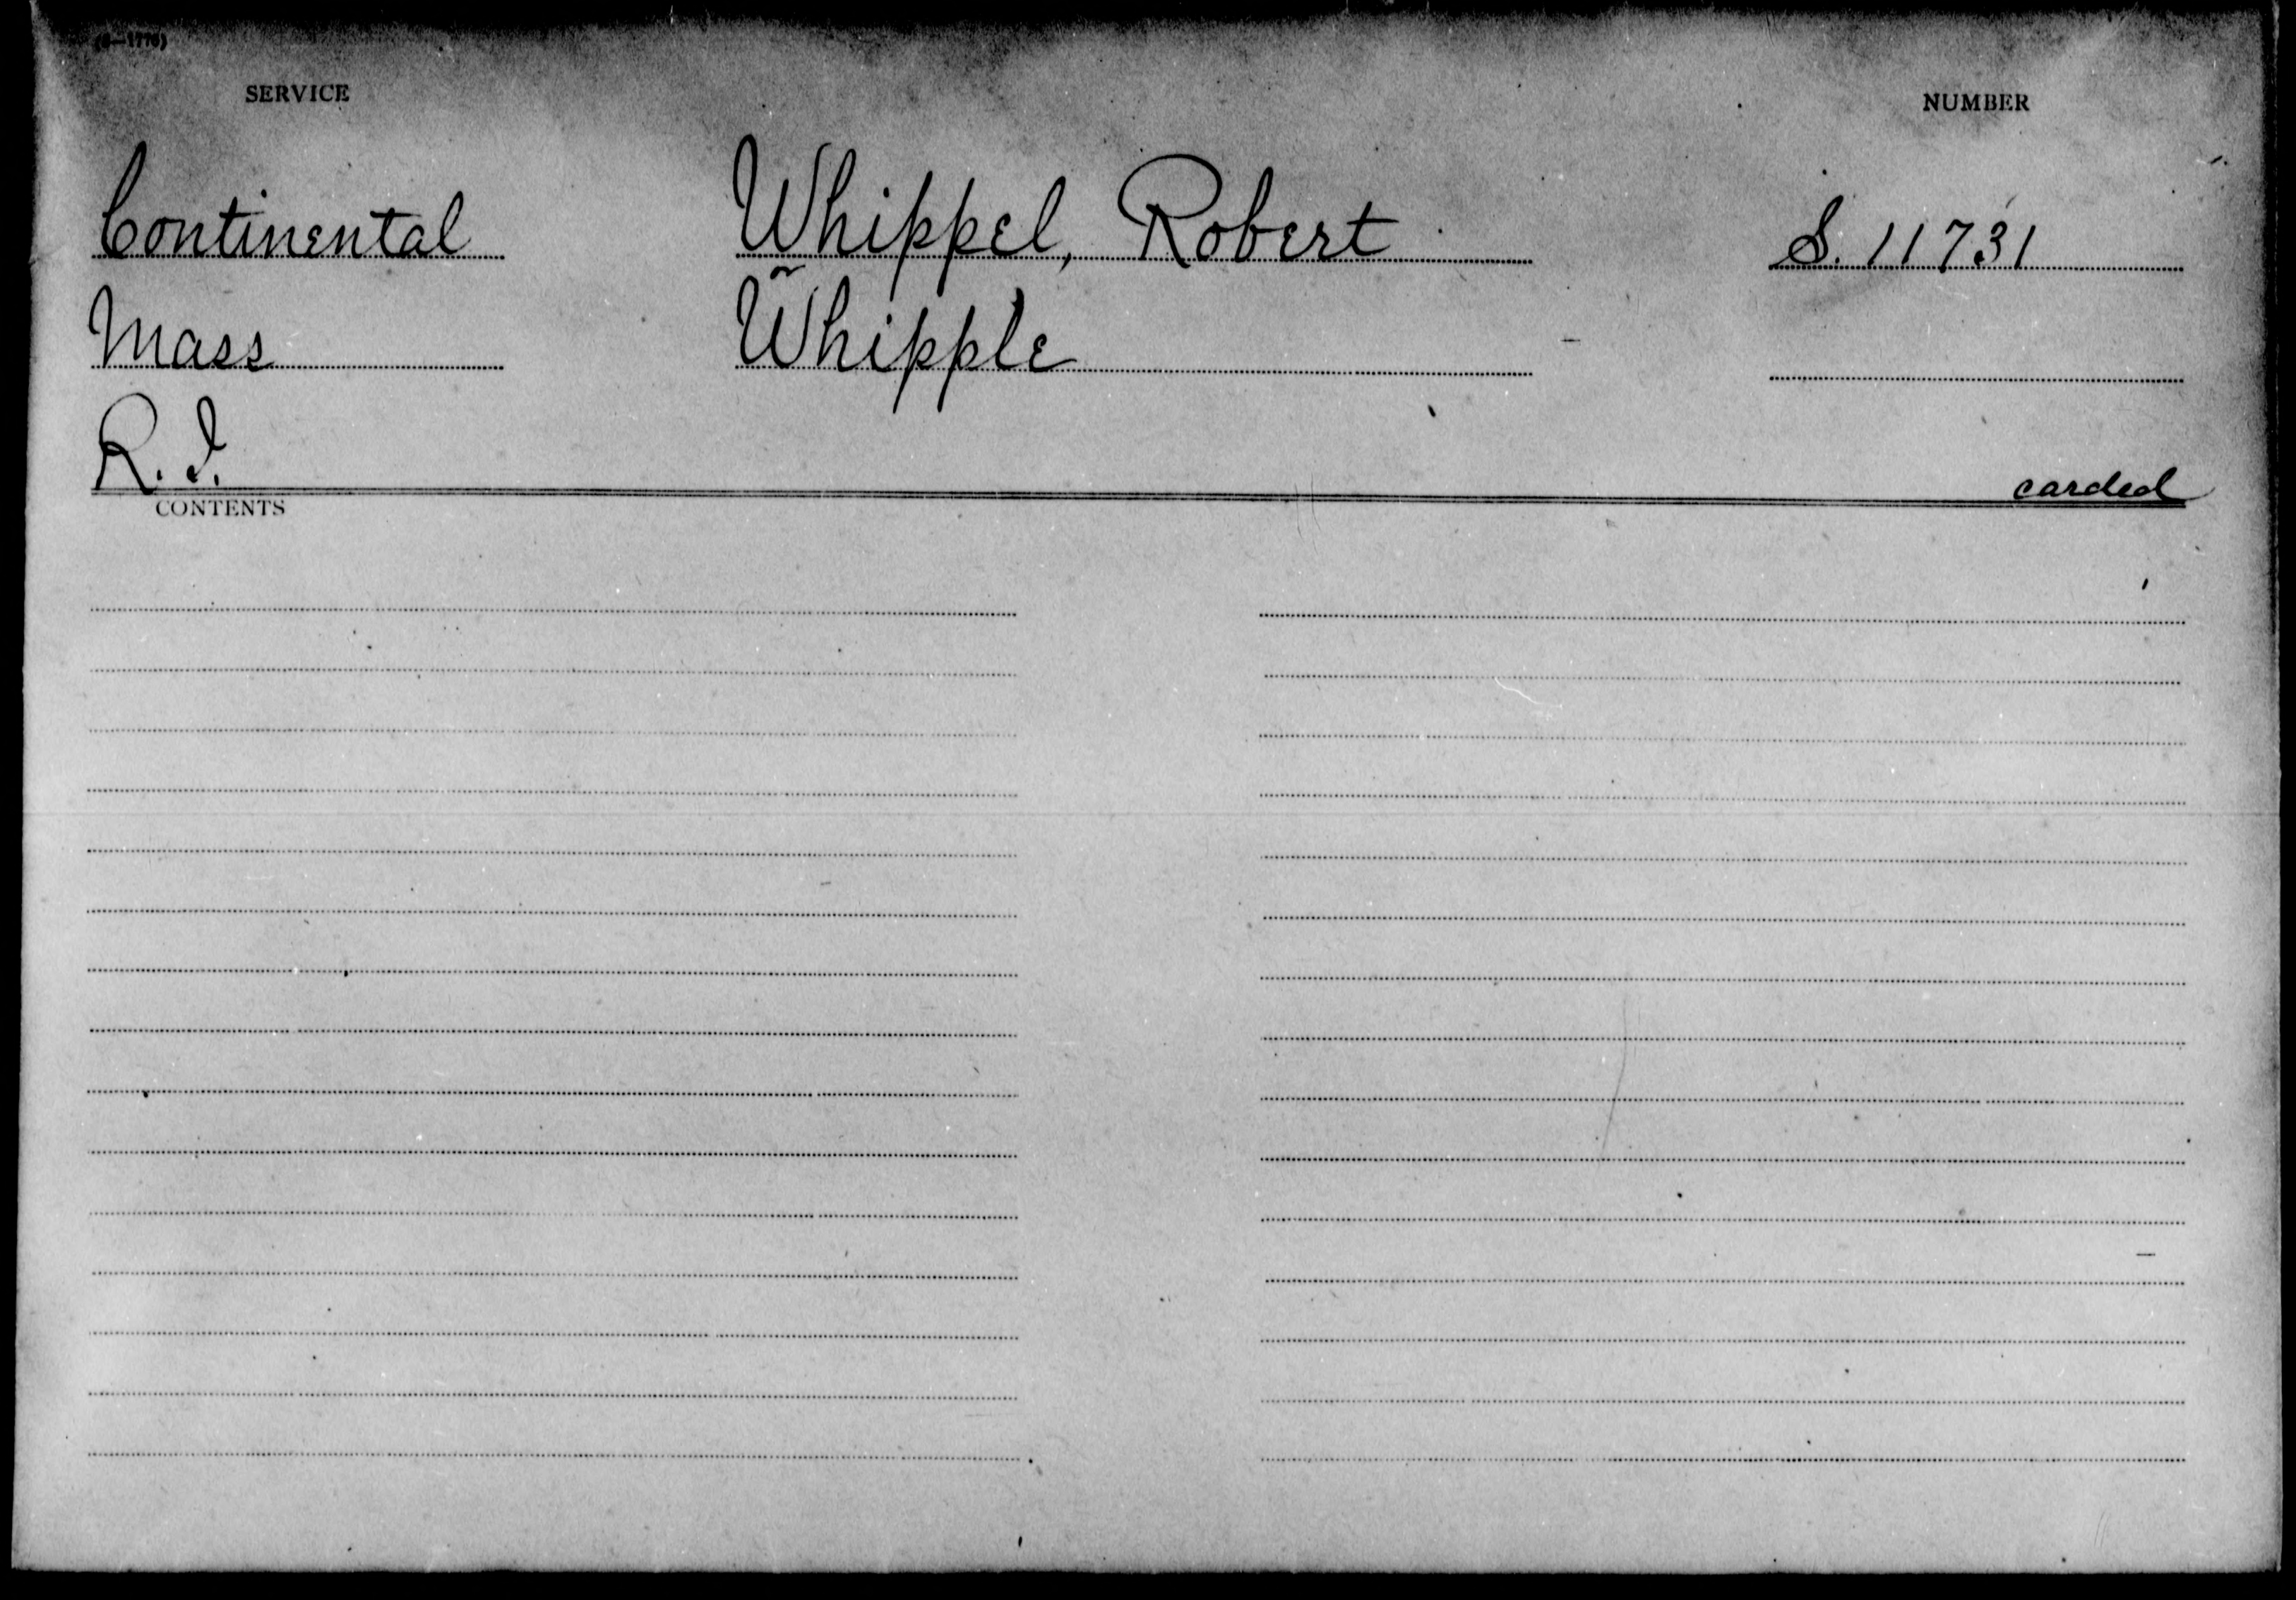SERVICE

Continental
Mass
R.I.

Whippel, Robert
Whipple

NUMBER
S. 11731
carded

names: Robert Whipple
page: 1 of 18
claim: survivor's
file: S. 11731, Robert Whippel, Continental Mass R. I.